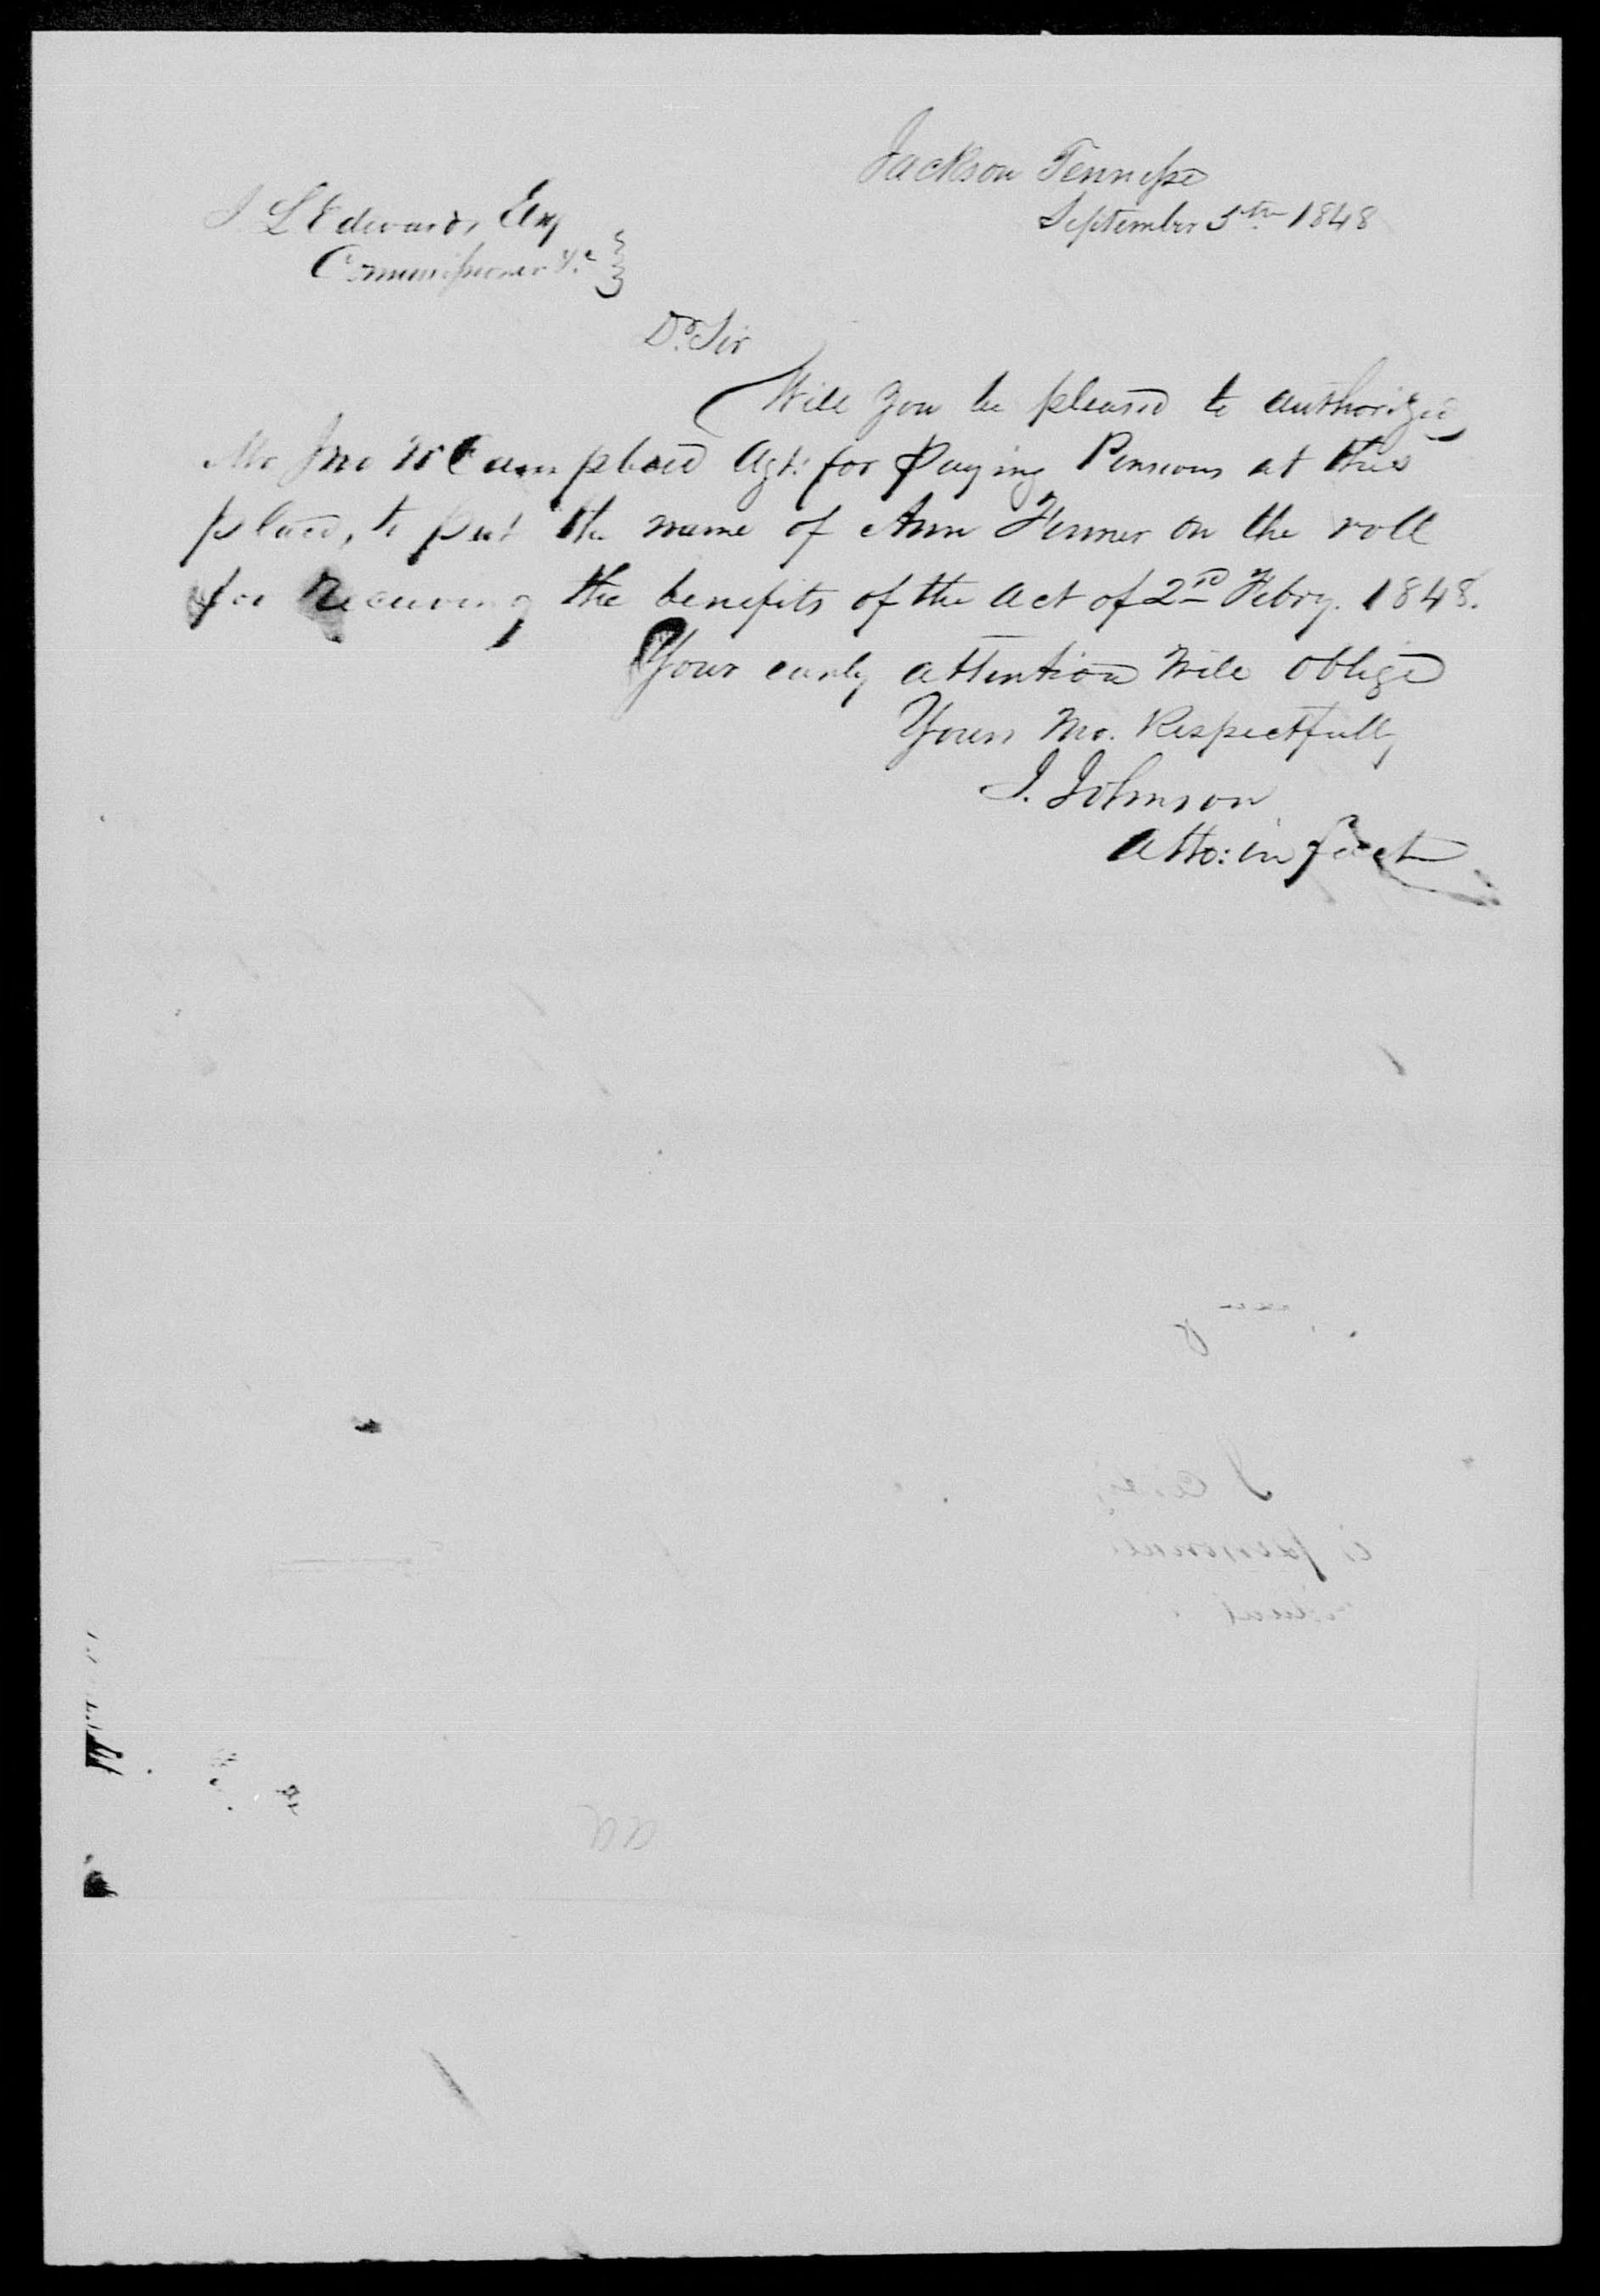Jackson Tennessee
September 5th 1848

J L Edwards
Commissioner

D Sir

Will you be pleased to authorize Ms. Jno W. Campbell Agt for Paying Pension at this placed, to put the name of Ann Fenner on the roll for recieving the benefits of the Act of 2nd Febry. 1848.

Your early attention will oblige
Yours Mo Respectfullly

J. Johnson

Att. in fact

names: J Johnson, J L Edwards, Ann Fenner, Jno W Campbell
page: 36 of 39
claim: widow's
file: W. 789, Richard Fenner, N.C.